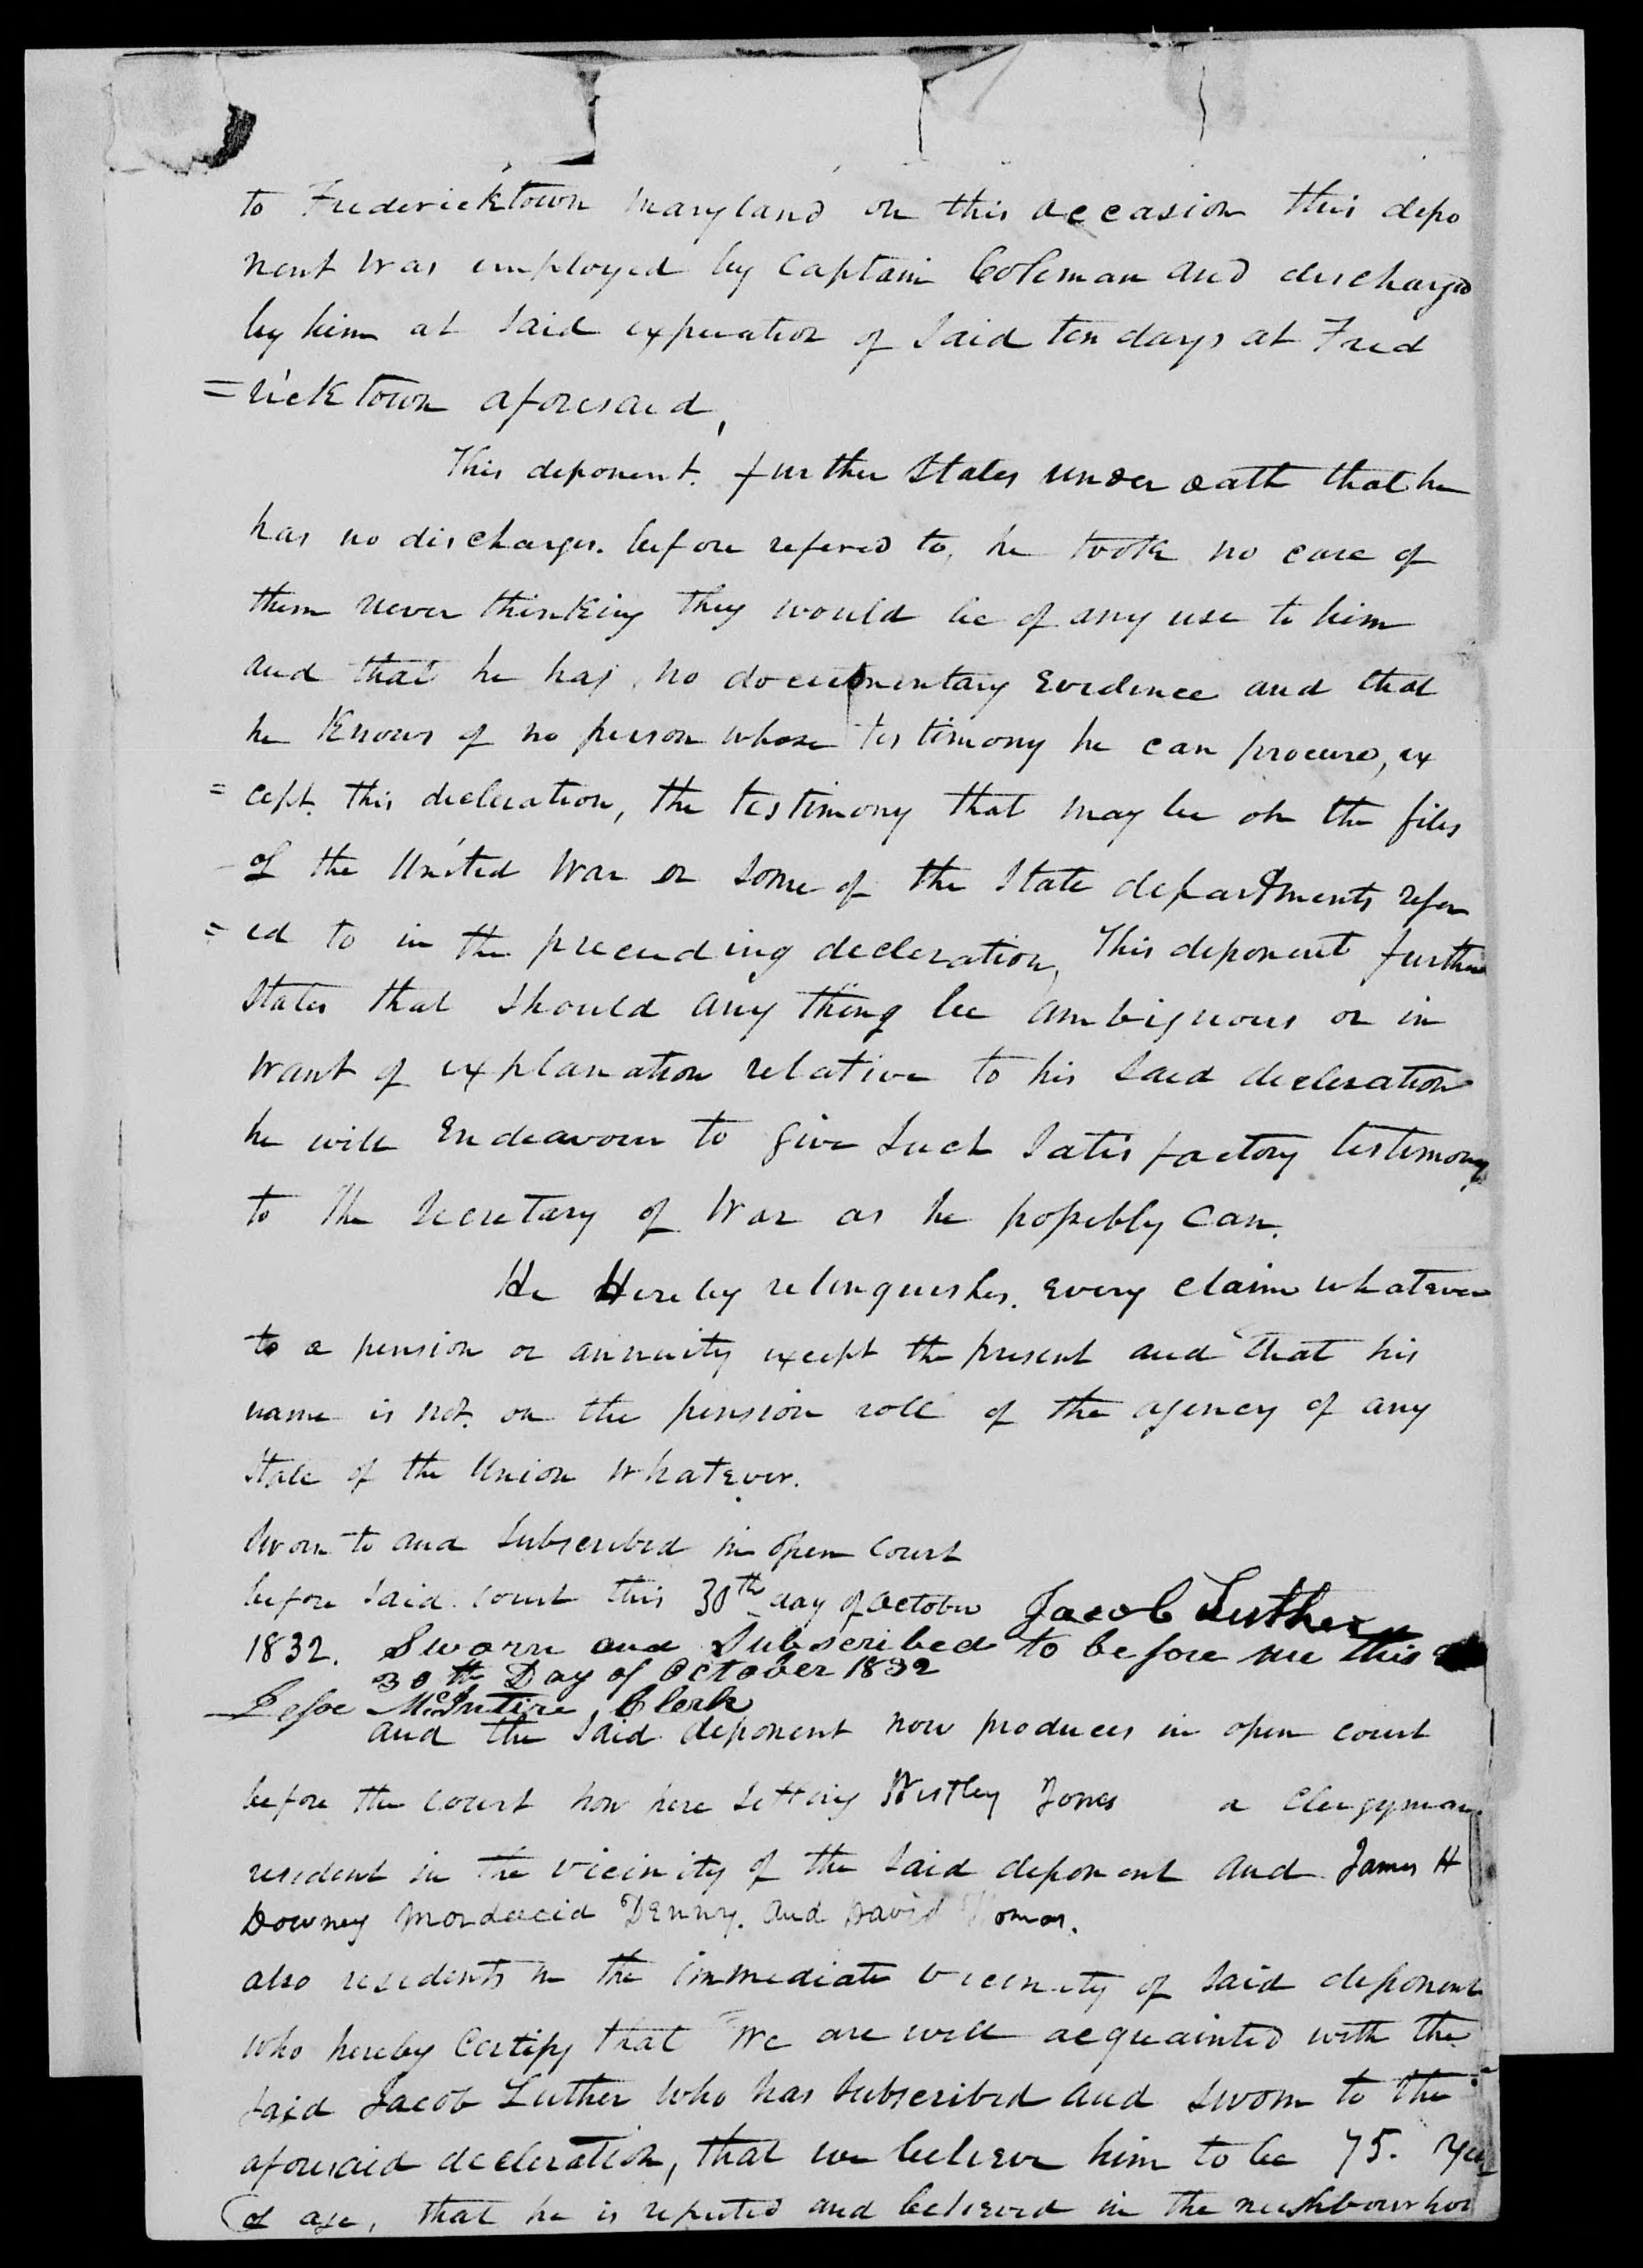to Fredericktown Maryland on the occasion this deponent was employed by Captain Coleman and discharged by him at said expiration of said ten days at Fredericktown aforesaid.

This deponent further states under oath that he has no discharges before referred to he took no care of them never thinking they would be of any use to him and that he has no documentary evidence and that he knows of no person whose testimony he can procure except this declaration the testimony that may be on the files of the United War or some of the state departments referred to in the preceding declaration. This deponent further states that should anything be ambiguous or in want of explanation relative to his said declaration he will endeavor to give such satisfactory testimony to the Secretary of War as he probably can.

He hereby relinquishes every claim whatever to a pension or annuity except the present and that his name is not on the pension roll of the agency of any state of the Union whatever.

Jacob Luther

Sworn to and subscribed in open court before said court this 30th day of October 1832. Sworn and subscribed to before me this 30th day of October 1832

Jesse McIntire - Clerk

and the said deponent now produces in open court before the court now here sitting Westley Jones a clergyman resident in the vicinity of the said deponent and James H Downey, Mordacia Denny and David Thomas also residents in the immediate vicinity of said deponent who hereby certify we are well acquainted with the said Jacob Luther who has subscribed and sworn to the aforesaid declaration, that we believe him to be 75 years of age, that he is reputed and believed in the neighborhood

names: Westley Jones; Mordacia Denny; [BLANK] Coleman; Jesse Mc Intire; Jacob Luther; James H Downey; David Thomas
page: 9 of 23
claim: rejected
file: R. 6533, for Jacob Luther, Maryland